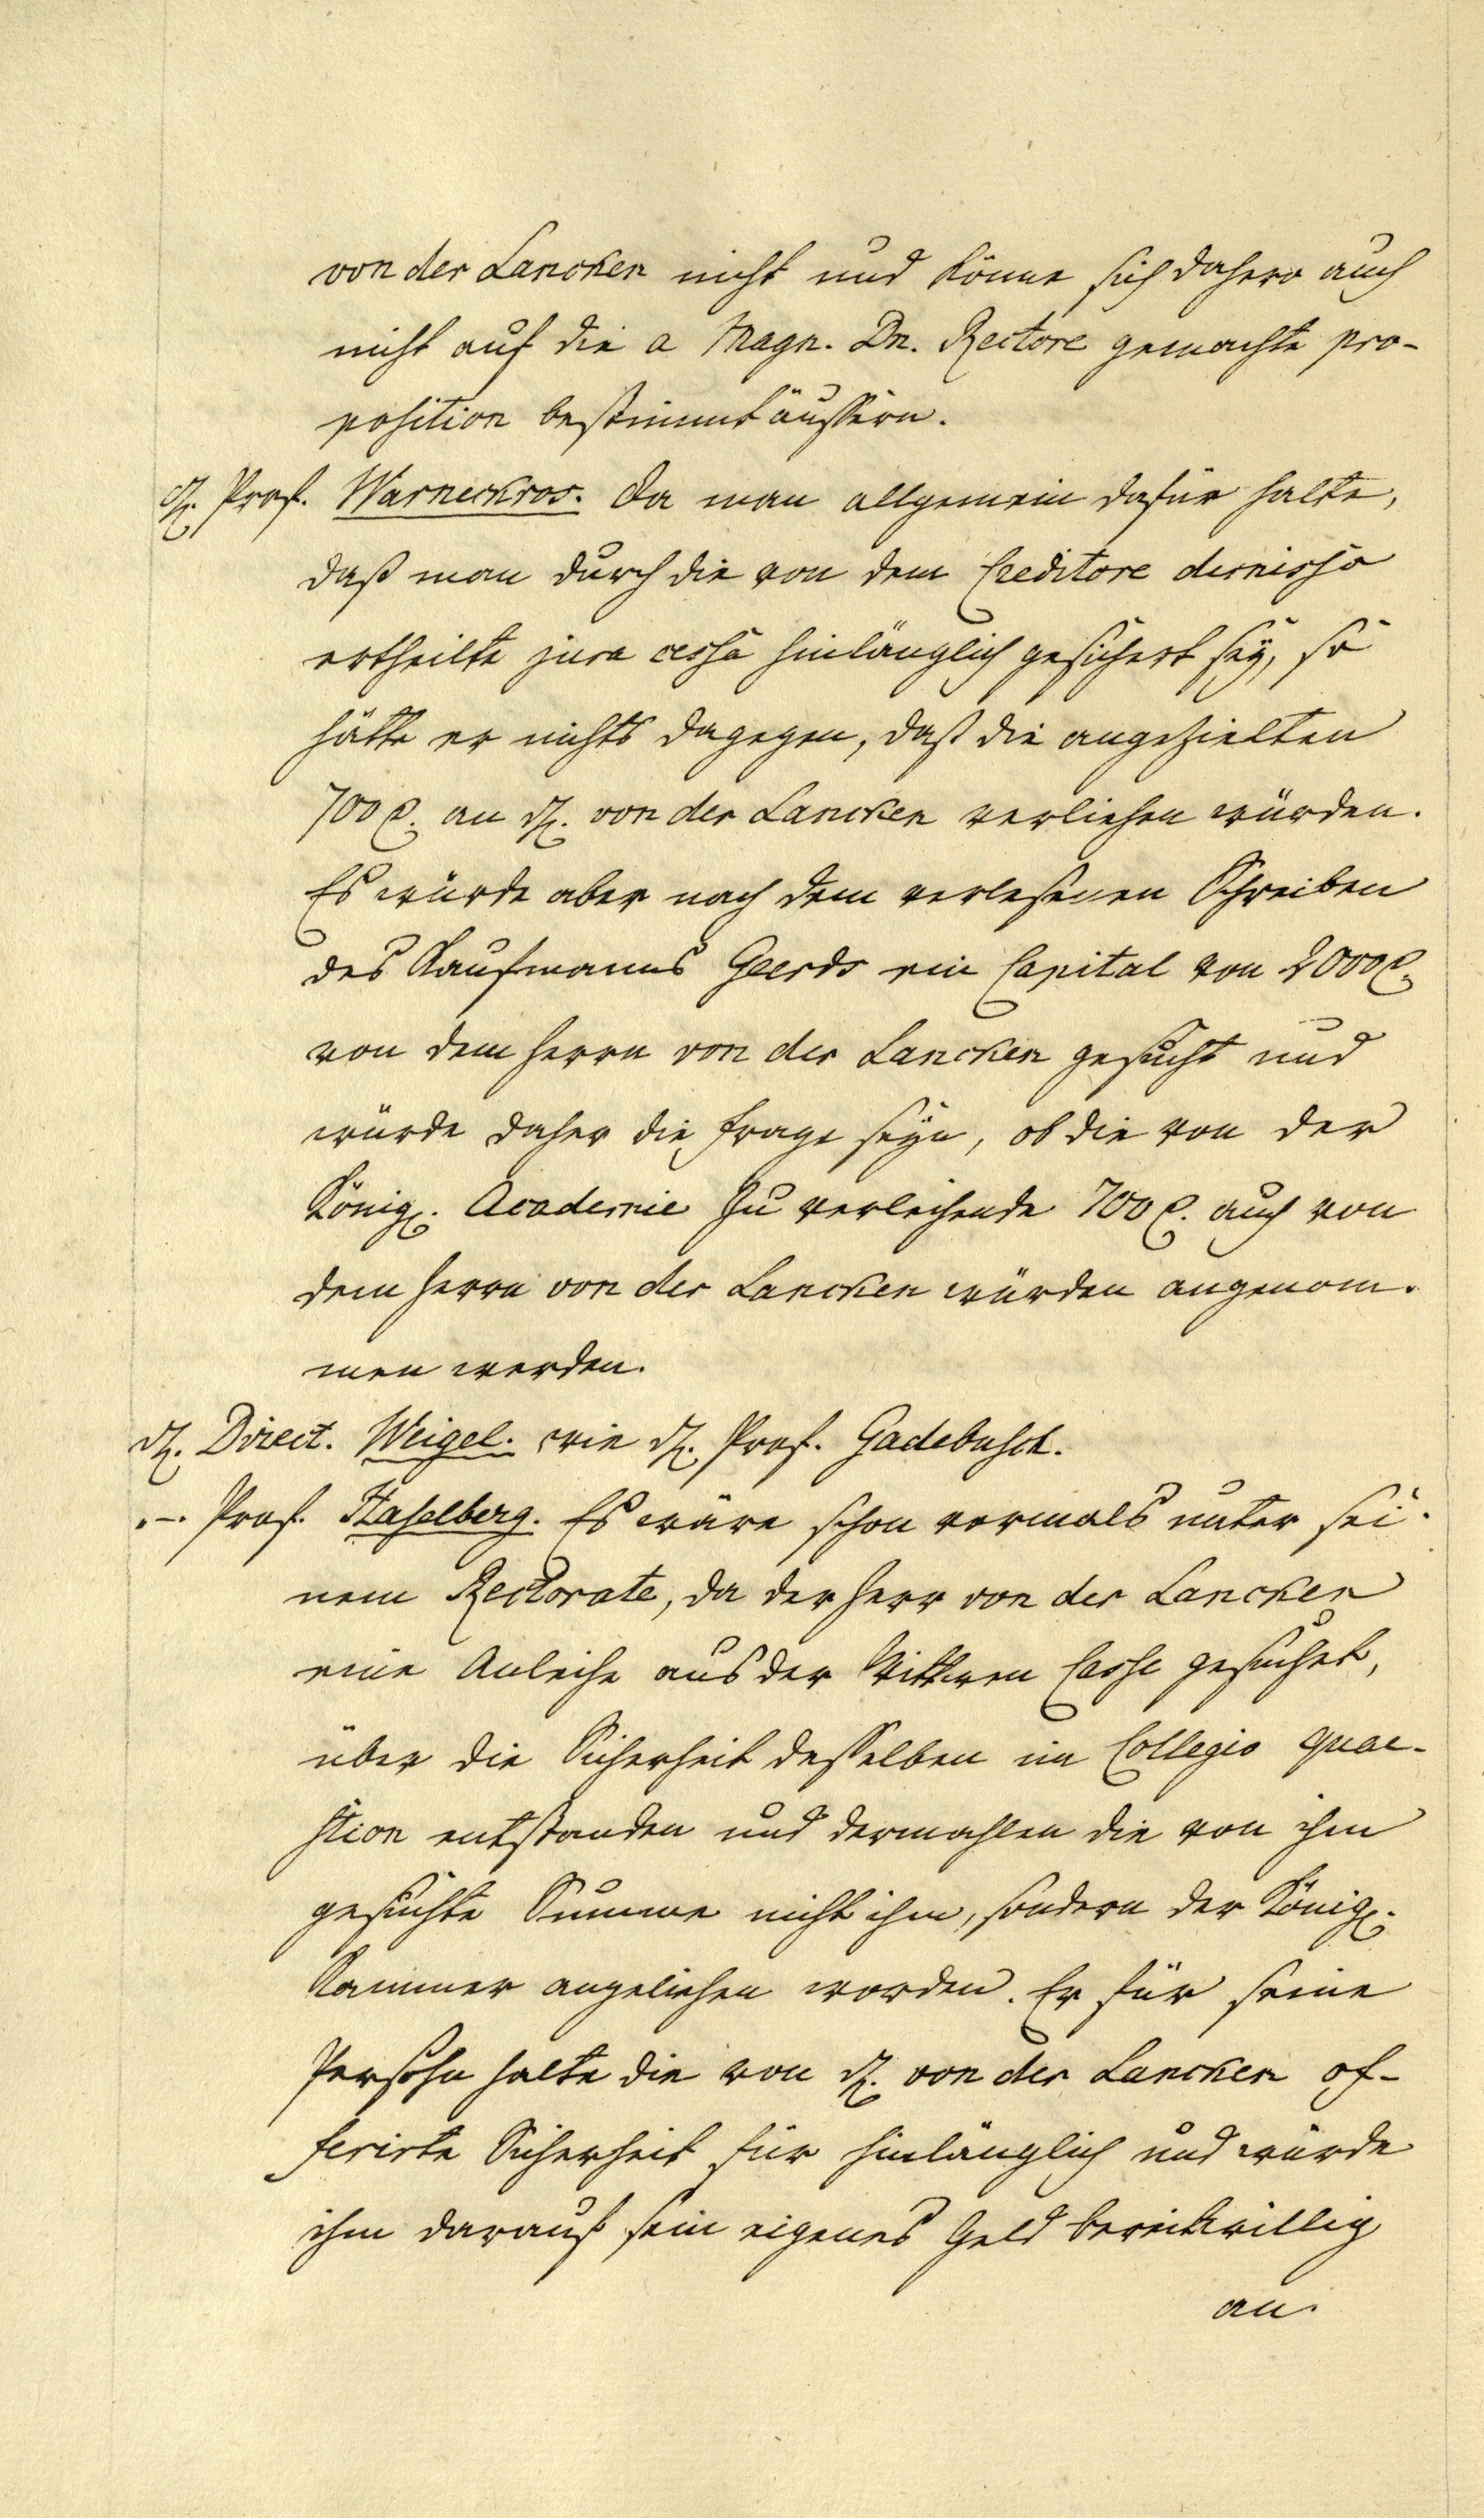von der Lancken nicht und könne sich dahero auch
nicht auf die a Magn. Dn. Rectore gemachte pro-
position bestimmt äussern.
dh. Prof. Warneckros. Da man allgemein dafür halte,
daß man durch die von dem Creditore demisso
ertheilte jura cessa hinlänglich gesichert sey, so
hätte er nichts dagegen, daß die angezielten
700 rtl. an dh. von der Lancken verliehen würden.
Es würde aber nach dem verlesenen Schreiben
des Kaufmanns Geerds ein Capital von 2000 rtl.
von dem herrn von der Lancken gesucht und
würde daher die Frage seyn, ob die von der
König. Academie zu verleihende 700 rtl auch von
dem Herrn von der Lancken würden angenom-
men werden
dh. Direct. Weigel. wie dh. Prof. Gadebusch.
" - " Prof. Haselberg. Es wäre schon vormals unter sei-
nem Rectorate, da der Herr von der Lancken
eine Anleihe aus der Wittwen Casse gesuchet,
über die Sicherheit desselben im Collegio quae-
stion entstanden und dermahlen die von ihm
gesuchte Summe nicht ihm, sondern der Königl.
Kammer angeliehen worden. Er für seine
Persohn halte die von dh. von der Lancken of-
ferirte Sicherheit für hinlänglich und würde
ihm darauf sein eigenes Geld bereitwillig
an-